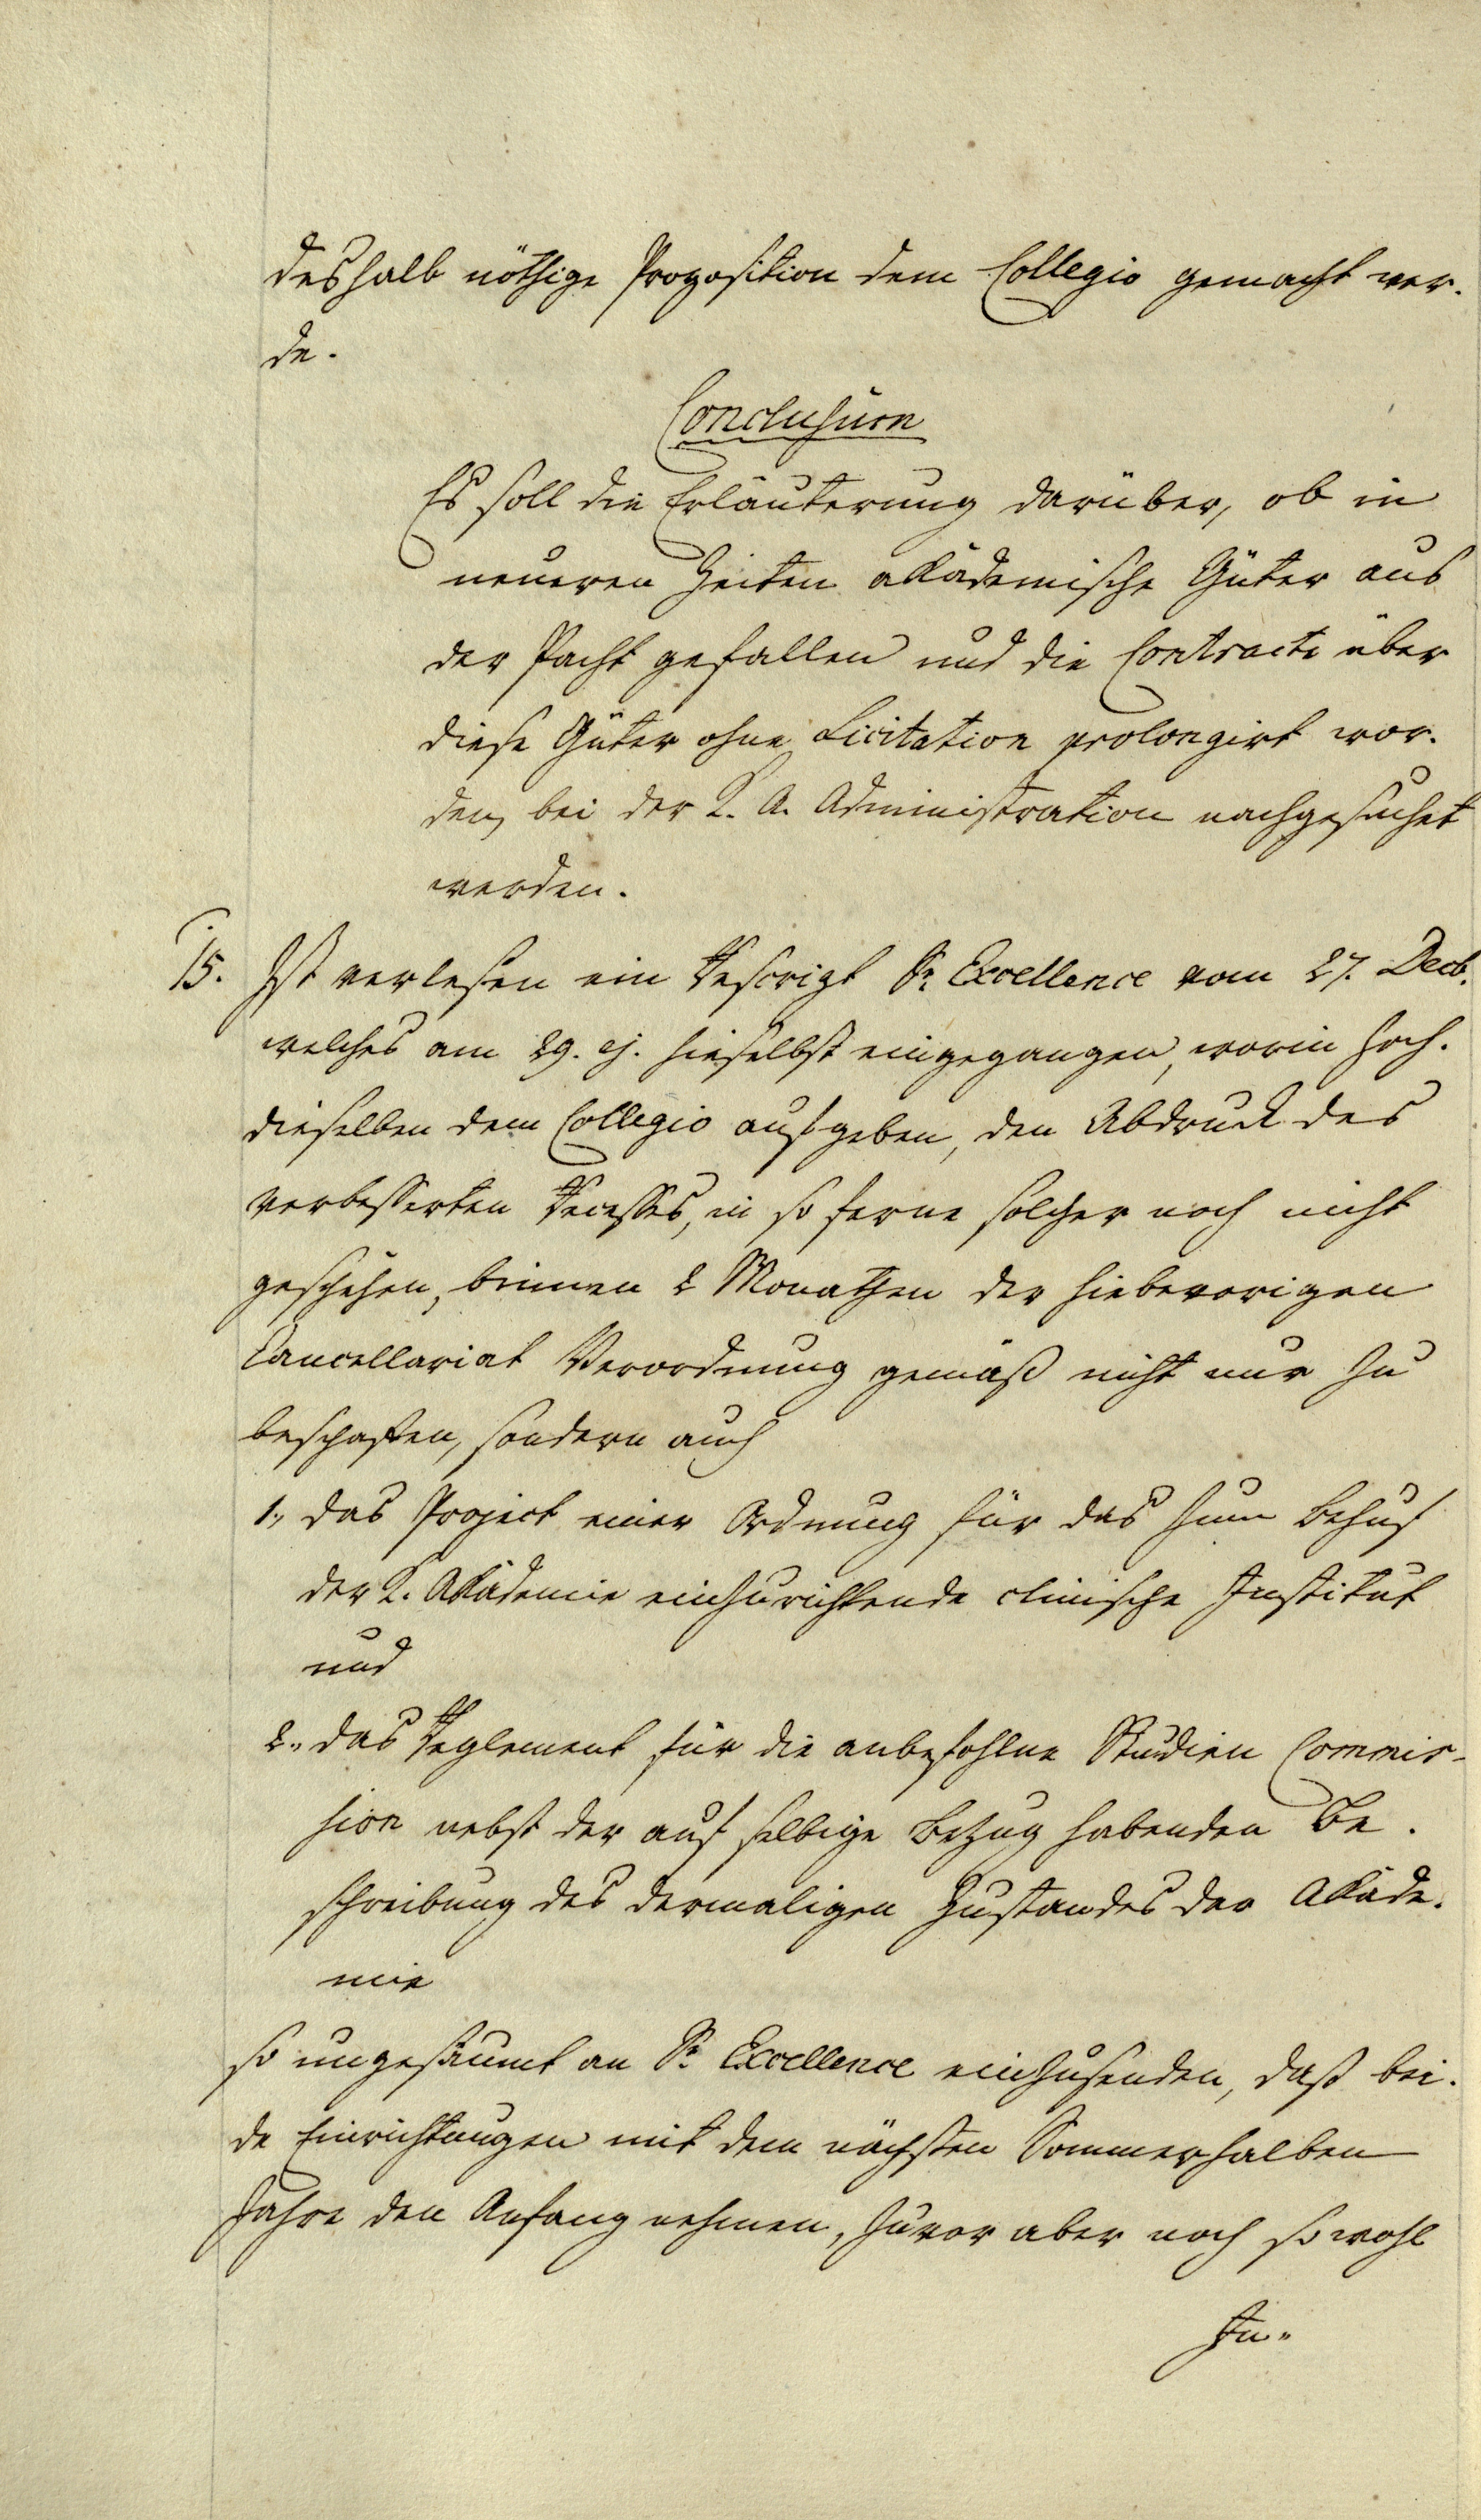deshalb nöthige Proposition dem Collegio gemacht wer¬
de.
Conclusum
Es soll die Erläuterung darüber, ob in
neueren Zeiten akademische Güter aus
der Pacht gefallen und die Contracte über
diese Güter ohne Licitation prolongirt wor¬
den, bei der K. A. Administration nachgesuchet
werden.
15. Ist verlesen ein Rescript Sr Excellence vom 27. Decb.
welches am 29. ej. hieselbst eingegangen, worin hoch¬
dieselben dem Collegio aufgeben, den Abdruck des
verbesserten Recesses, in so ferne solcher noch nicht
geschehen, binnen 2 Monathen der hiebevorigen
Cancellariat Verordnung gemäß nicht nur zu
beschaffen, sondern auch
1., das Project einer Ordnung für das zum Behuf
der K. Akademie einzurichtende clinische Institut
und
2. das Reglement für die anbefohlne Studien Commis¬
sion nebst der auf selbige Bezug habenden Be¬
schreibung des dermaligen Zustandes der Akade¬
mie
so ungesäumt an Sr Excellence einzusenden, daß bei¬
de Einrichtungen mit dem nächsten Sommerhalben
Jahre den Anfang nehmen, zuvor aber noch so wohl
Im